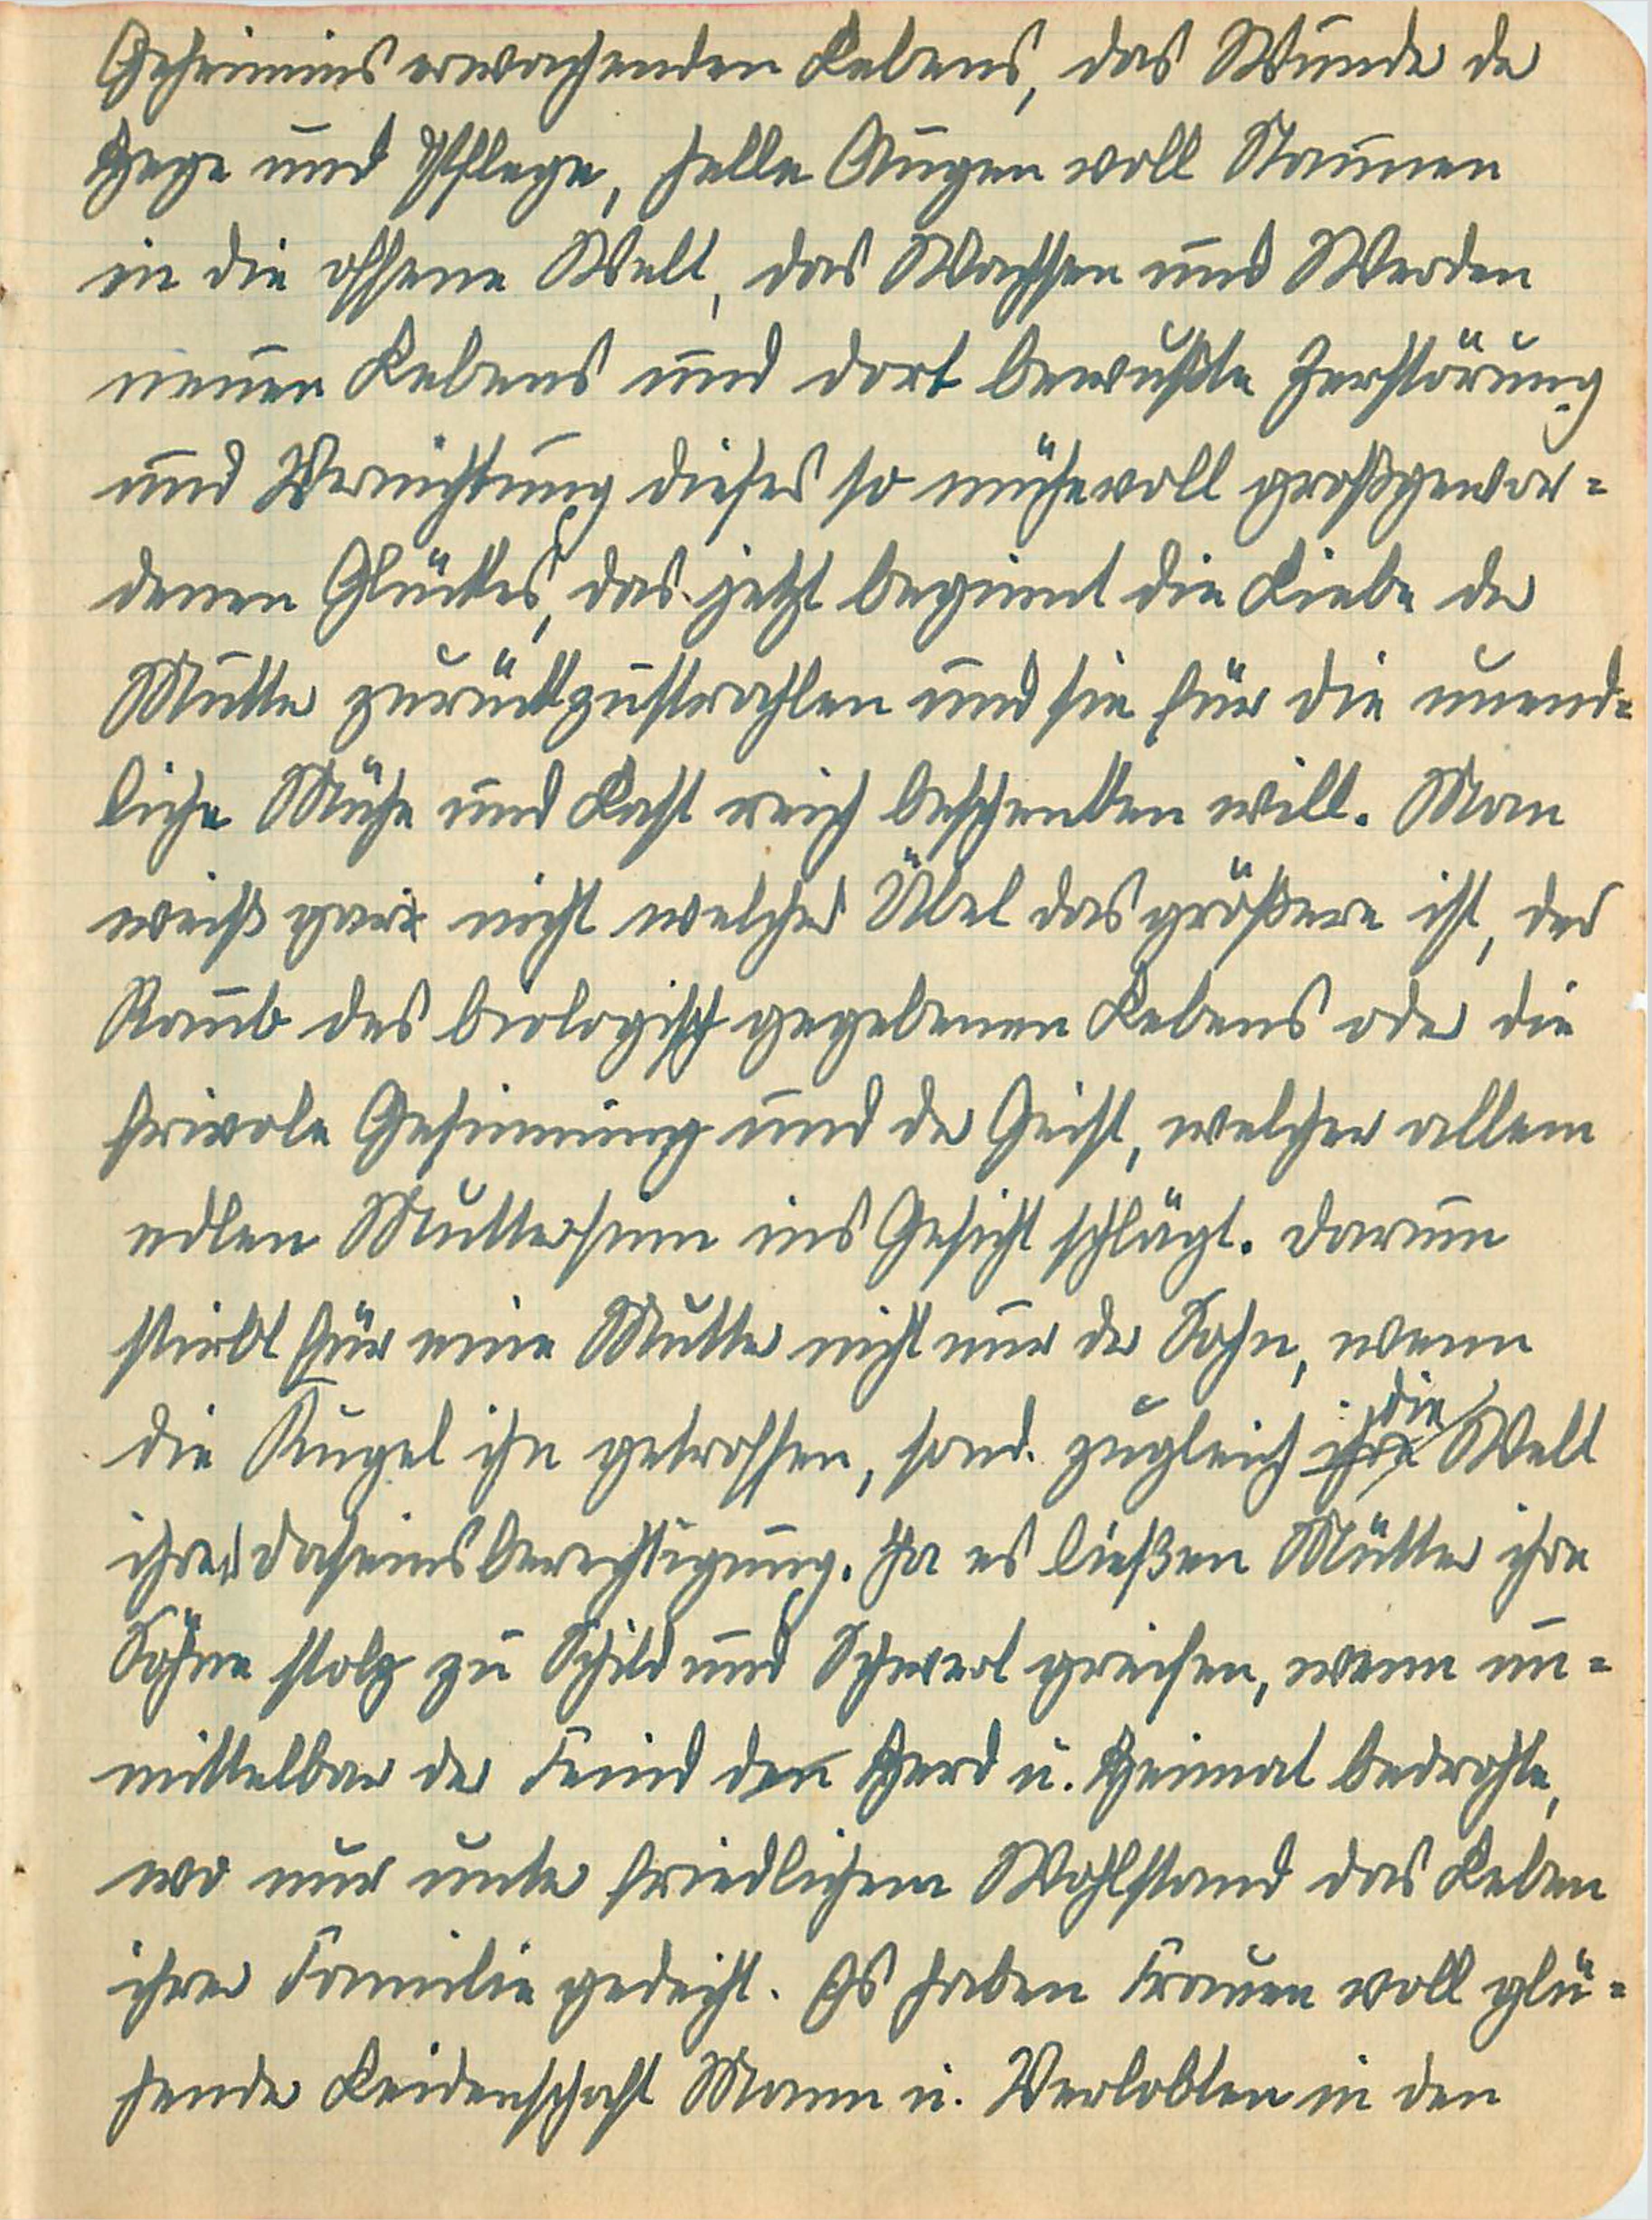Geheimnis erwachenden Lebens, das Wunder der
Hege und Pflege, helle Augen voll Staunen
in die offene Welt, das Wachsen und Werden
neuen Lebens und dort bewußte Zerstörung
und Vernichtung dieses so mühevoll großgewor-
denen Glückes, das jetzt beginnt die Liebe der
Mutter zurückzustrahlen und sie für die unend-
liche Mühe und Last reich beschenken will. Man
weiß gari nicht welches Übel das größere ist, der
Raub des biologisch gegebenen Lebens oder die
frivole Gesinnung und der Geist, welcher allem
edlen Muttersinn ins Gesicht schlägt. Darum
stirbt für eine Mutter nicht nur der Sohn, wenn
die
die Kugel ihn getroffen, sond. zugleich ihre Welt
ihrer Daseinsberechtigung. Ja es ließen Mütter ihre
Söhne stolz zu Schild und Schwert greifen, wenn un-
mittelbar der Feind den Herd u. Heimat bedrohte,
wo nur unter friedlichem Wohlstand das Leben
ihrer Familie gedeiht. Es haben Frauen voll glü-
hender Leidenschaft Mann u. Verlobten in den